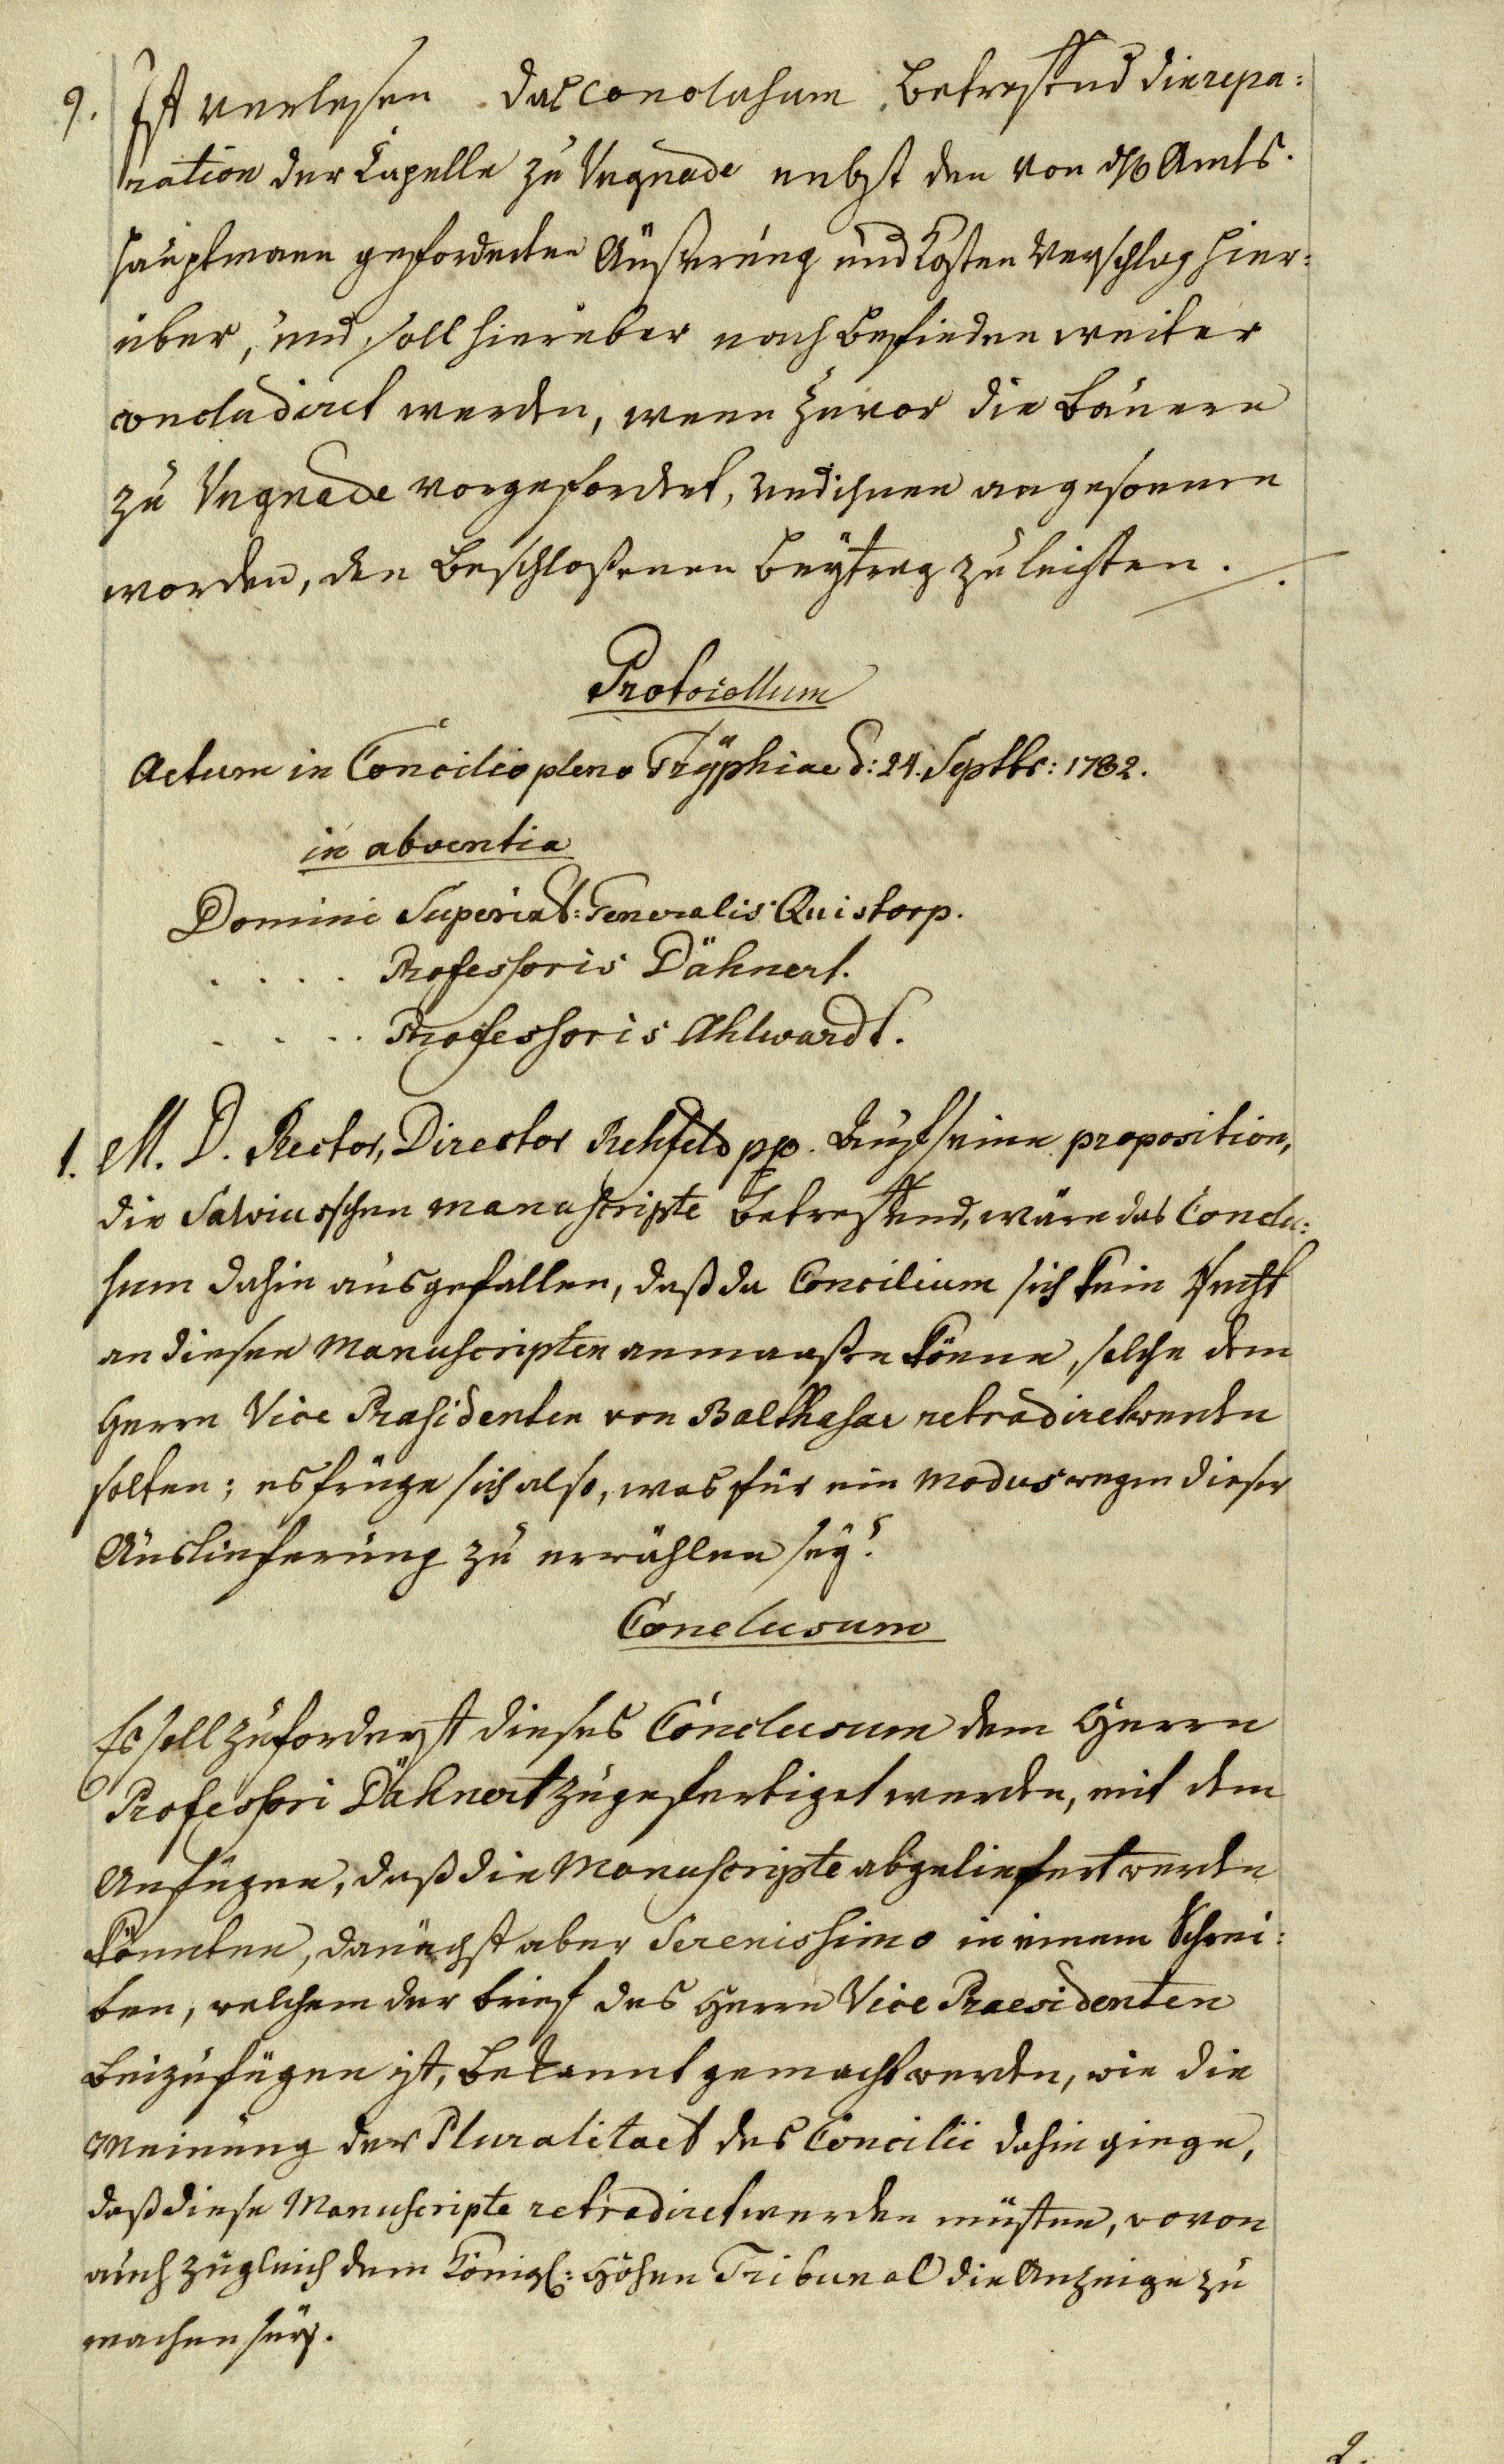9. Ist verlesen das conclusum betreffend die repa¬
ration der Capelle zu Ungnade nebst den von dh Amts¬
hauptmann geforderten Äußerung und Kosten Vorschlag hier¬
über, und soll hierüber nach Befinden weiter
concludiret werden, wenn zuvor die Bauern
zu Ungnade vorgefordert, und ihnen angesonnen
worden, den beschloßenen Beÿtrag zu leisten.
Protocollum
Actum in Concilio pleno Gryphiae d. 24 Septbr. 1782
in absentia
Domini Superint-Generalis Quistorp.
Professoris Dähnert.
Professoris Ahlwardt.
1. M. D. Rector, Director Rehfeld pp. Auf seine proposition,
die Salviusschen manuscripte betreffend, wäre das Conclu¬
sum dahin ausgefallen, daß da Concilium sich kein Recht
an diesen Manuscripten anmaaßen könne, solche dem
Herrn Vice Prasidenten von Balthasar retradiret werden
solten; es früge sich also, was für ein Modus wegen dieser
Auslieferung zu erwählen seÿ!
Conclusum
Es soll zuforderst dieses Conclusum dem Herrn
Professori Dähnert zugefertiget werden, mit dem
Anfügen, daß die Manuscripte abgeliefert werden
könnten, danächst aber Serenissimo in einem Schrei¬
ben, welchem der Brief des Herrn Vice Praesidenten
beizufügen ist, bekannt gemacht werden, wie die
Meinung der Pluralitaet des Concilii dahin ginge,
daß diese Manuscripte retradiret werden müsten, wovon
auch zugleich dem Königl. Hohen Tribunal die Anzeige zu
machen seÿ.